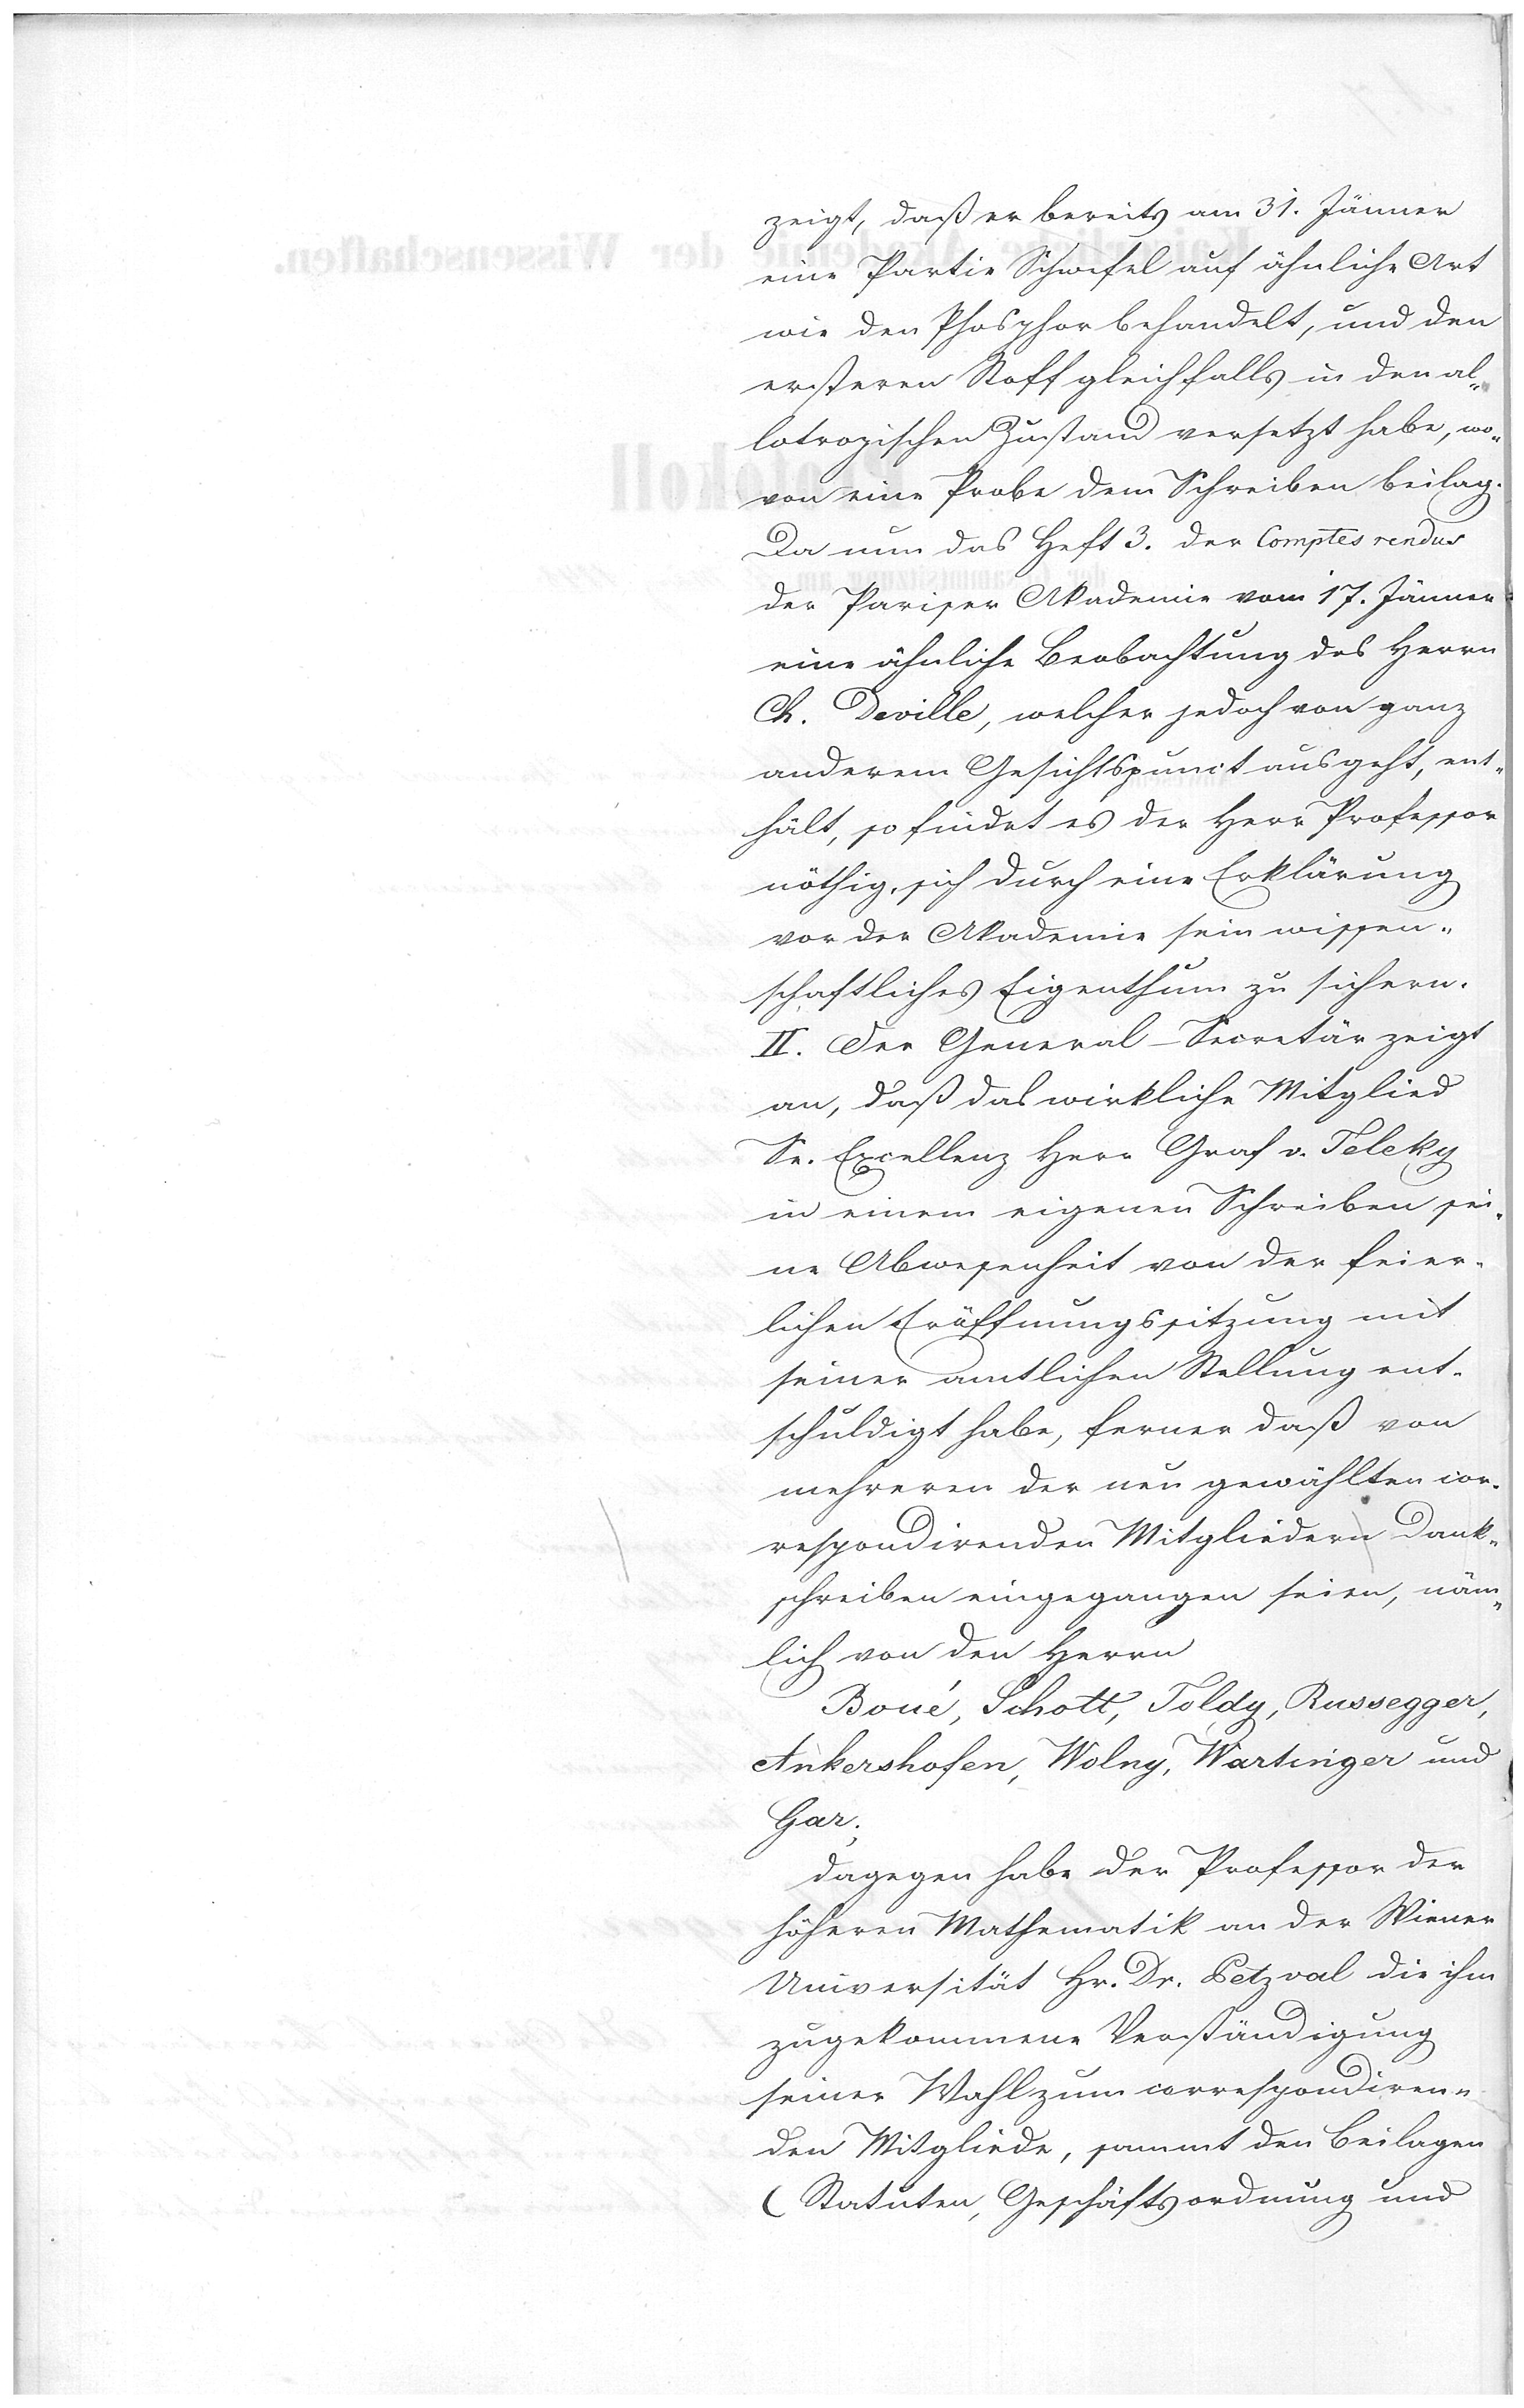zeigt, daß er bereits am 31. Jänner
eine Partie Schwefel auf ähnliche Art
wie den Phosphor behandelt, und den
ersteren Stoff gleichfalls in den al-
lotrogischen Zustand versetzt habe, wo-
von eine Probe dem Schreiben beilag.
Da nun das Heft 3. der Comptes rendus
der Pariser Akademie vom 17. Jänner
eine ähnliche Beobachtung des Herrn
Ch. Deville, welcher jedoch von ganz
anderem Gesichtspunct ausgeht, ent-
hält, so findet es der Herr Professor
nöthig, sich durch eine Erklärung
vor der Akademie sein wissen-
schaftliches Eigenthum zu sichern.
II. Der General-Secretär zeigt
an, daß das wirkliche Mitglied
Sr. Excellenz Herr Graf v. Teleky
in einem eigenen Schreiben sei-
ne Abwesenheit von der feier-
lichen Eröffnungssitzung mit
seiner amtlichen Stellung ent-
schuldigt habe, ferner daß von
mehreren der neu gewählten cor-
respondirenden Mitgliedern Dank-
schreiben eingegangen seien, näm-
lich von den Herrn
Boué, Schott, Toldy, Russegger,
Ankershofen, Wolny, Wartinger und
Gar;
dagegen habe der Professor der
höheren Mathematik an der Wiener
Universität Hr. Dr. Petzval die ihm
zugekommene Verständigung
seiner Wahl zum correspondiren-
den Mitgliede, sammt den Beilagen
(Statuten, Geschäftsordnung und